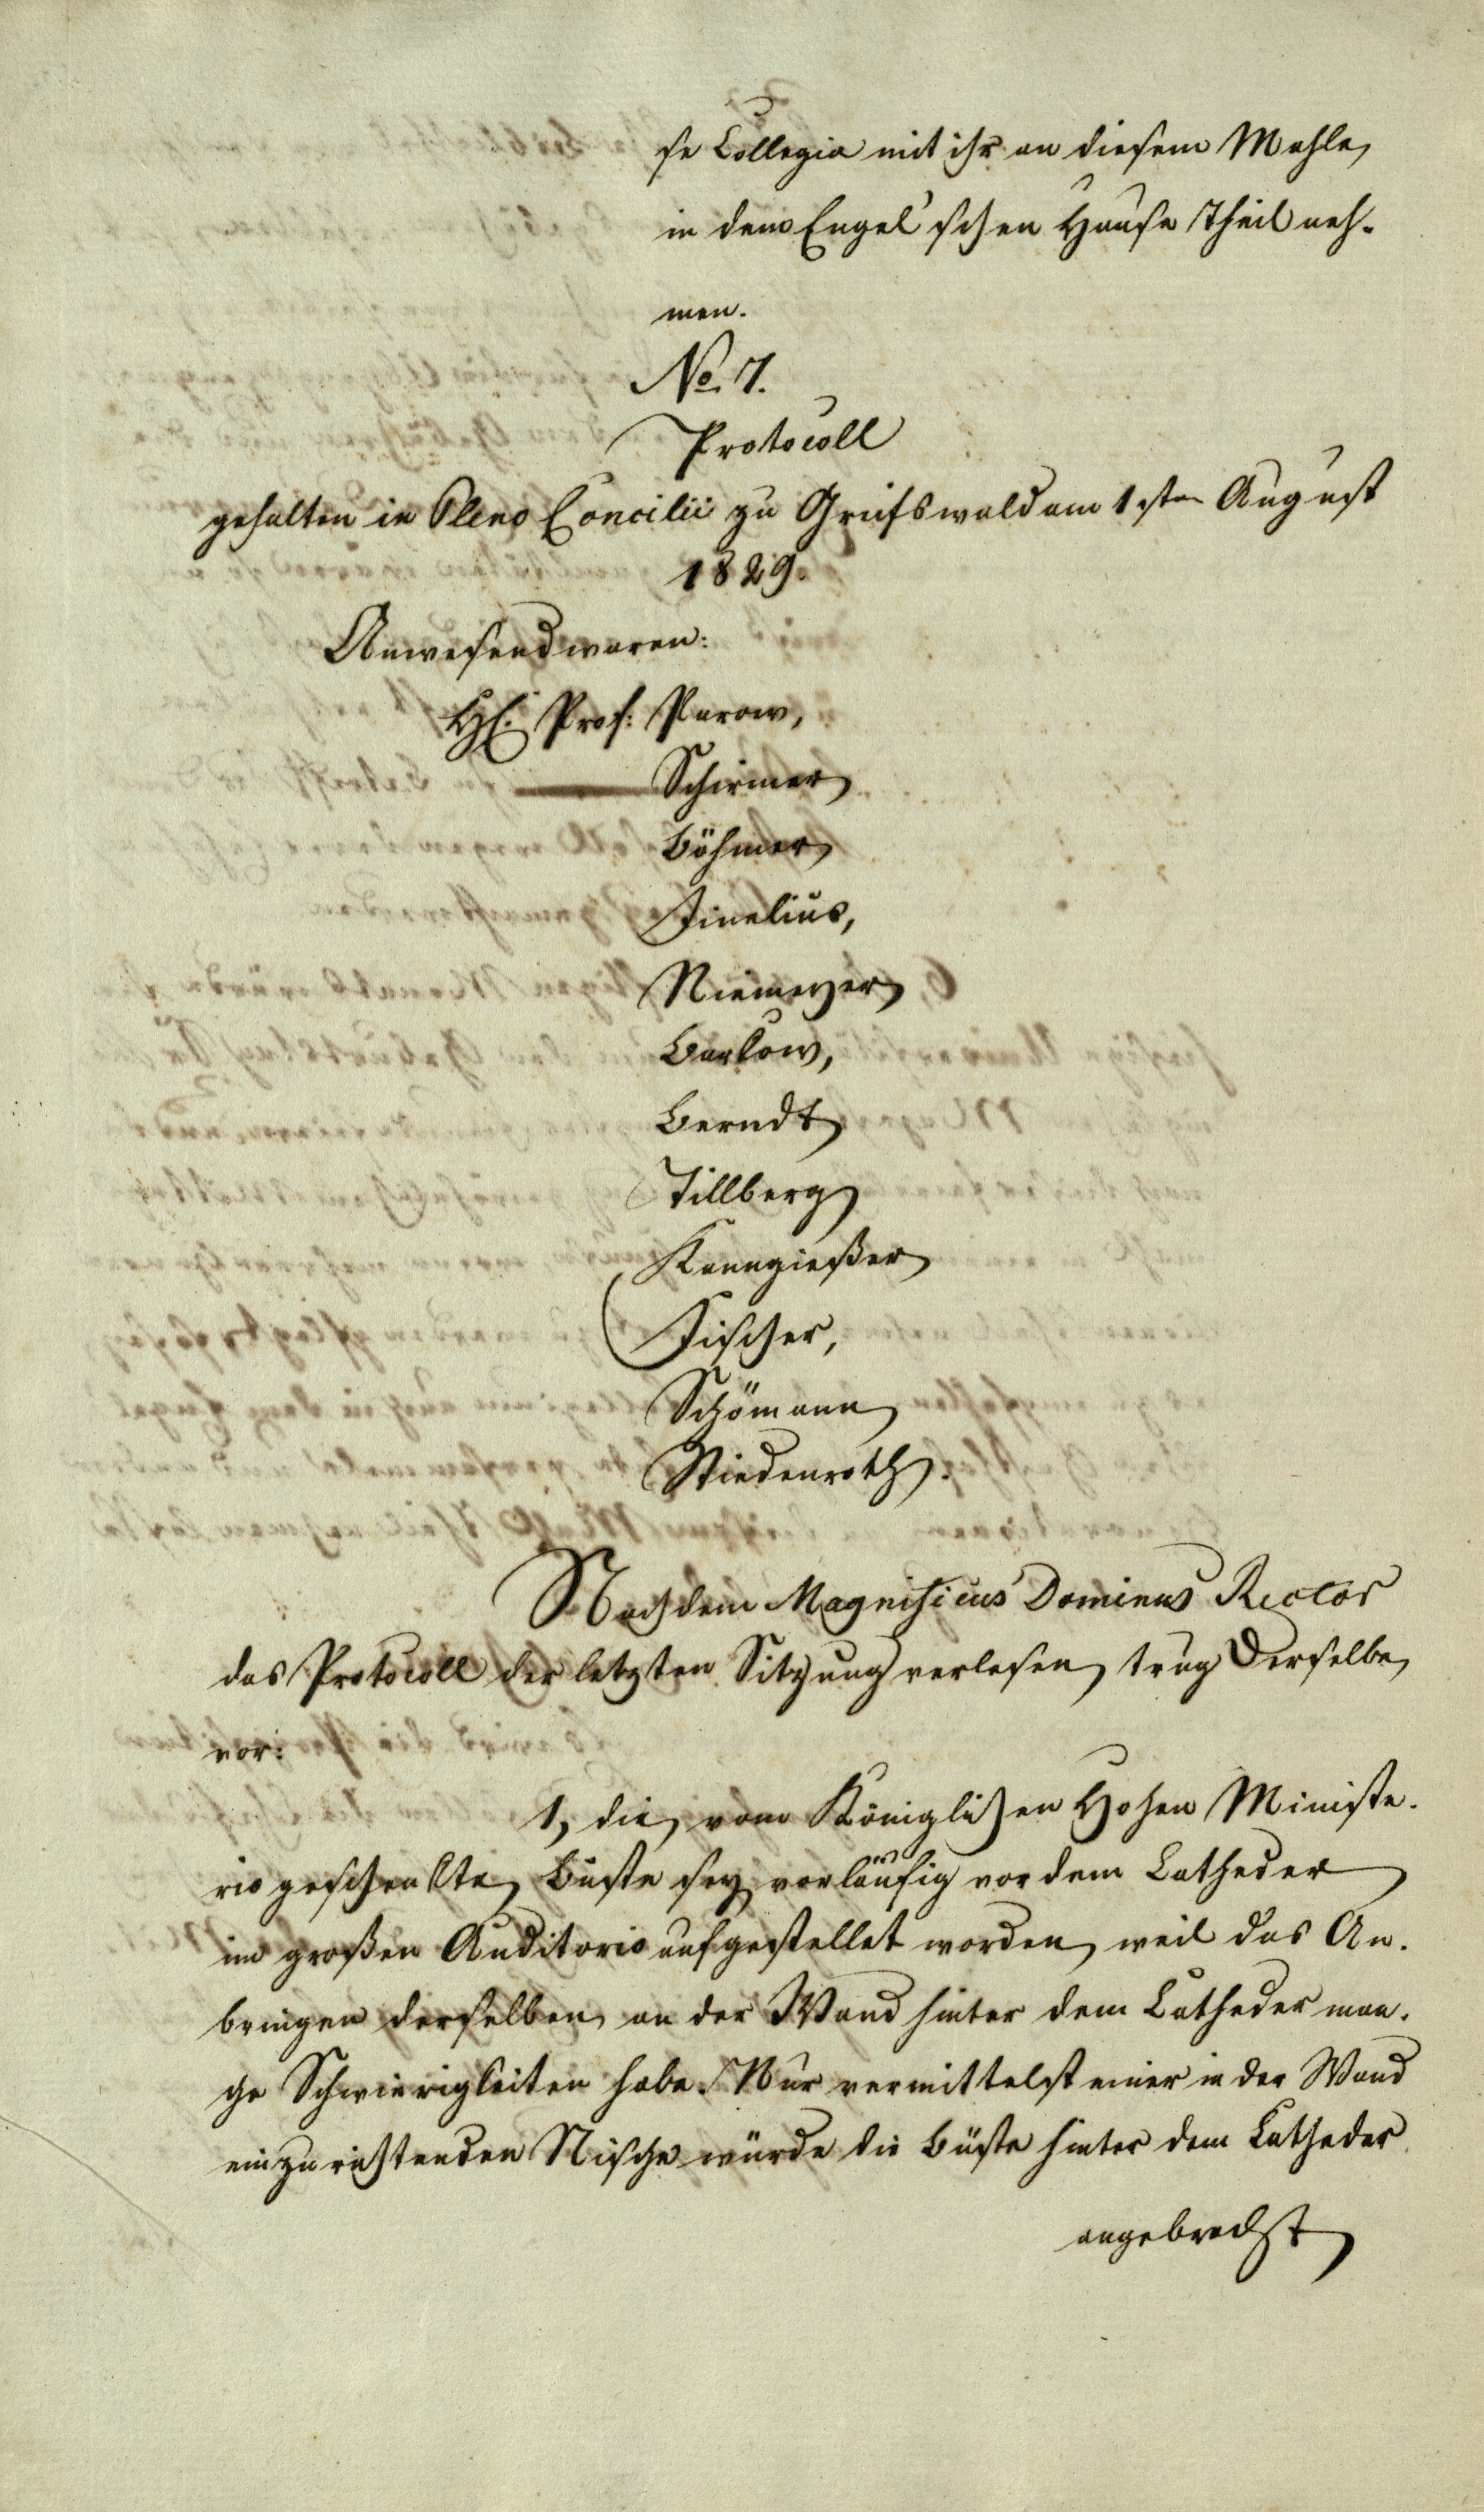se Collegia mit ihr an diesem Mahle
in dem Engel'schen Hause theilneh¬
men.
No 7.
Protocoll
gehalten in Pleno Concilii zu Greifswald am 1 sten August
1829.
Anwesend waren:
H. Prof. Parow,
Schirmer,
Böhmer,
Finelius,
Niemeyer
Barkow,
Berndt
Tillberg
Kanngießer
Fischer,
Schömann
Stiedenroth.
Nachdem Magnificus Dominus Rector
das Protocoll der letzten Sitzung verlesen trug Derselbe,
vor:
1, die vom Königlichen Hohen Ministe¬
rio geschenkte Büste sey vorläufig vor dem Catheder
im großen Auditorio aufgestellet worden, weil das An¬
bringen derselben an der Wand hinter dem Catheder man¬
che Schwierigkeiten habe. Nus vermittelst einer in der Wand
einzurichtenden Nische würde die Büste hinter dem Catheder
angebracht